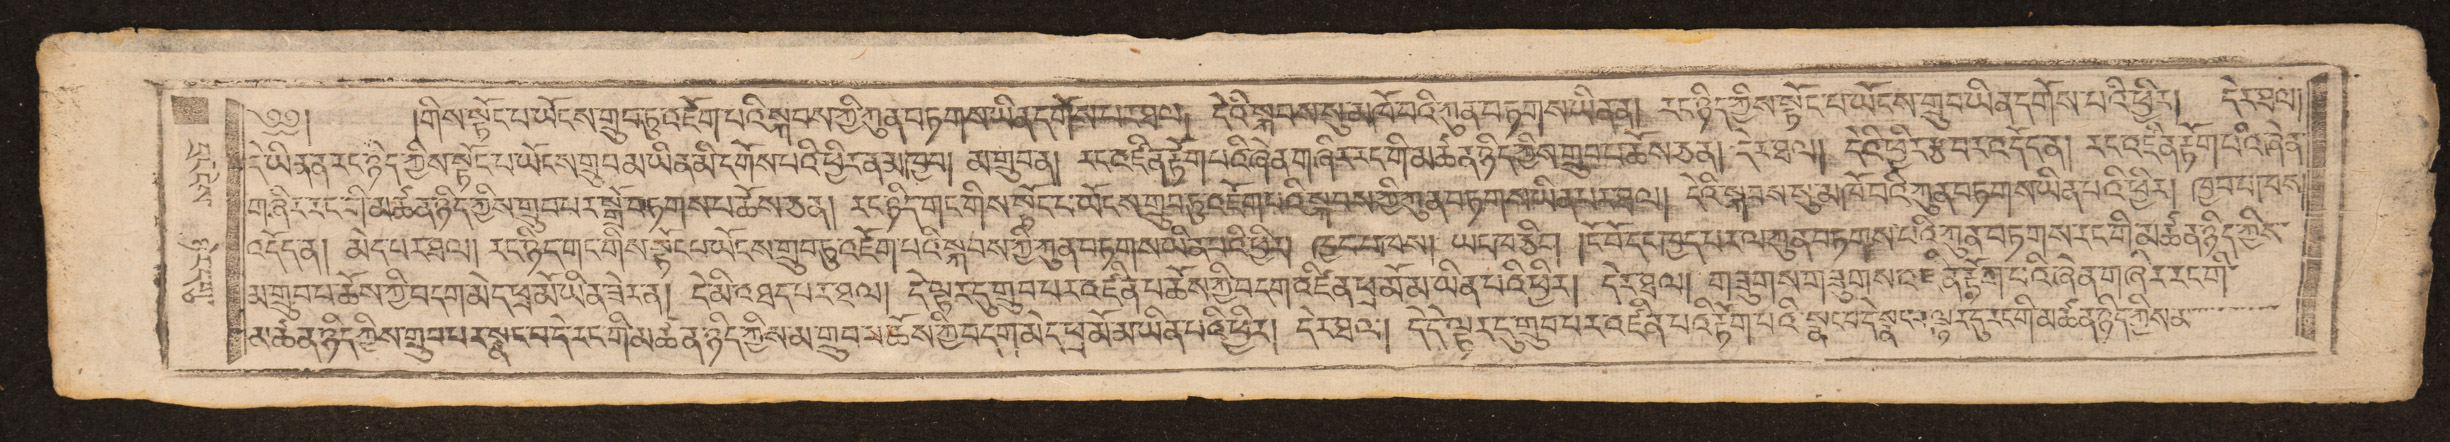༄༅། །གིས་སྟོང་པ་ཡོངས་གྲུབ་ཏུ་འཇོག་པའི་སྐབས་ཀྱི་ཀུན་བཏགས་ཡིན་དགོས་པར་ཐལ། དེའི་སྐབས་སུ་མཁོ་པའི་ཀུན་བཏགས་ཡིན་ན། རང་ཉིད་ཀྱིས་སྟོང་པ་ཡོངས་གྲུབ་ཡིན་དགོས་པའི་ཕྱིར། དེར་ཐལ།
དེ་ཡིན་ན་རང་ཉིད་ཀྱིས་སྟོང་པ་ཡོངས་གྲུབ་མ་ཡིན་མི་དགོས་པའི་ཕྱིར་ན་མ་ཁྱབ། མ་གྲུབ་ན། རང་འཛིན་རྟོག་པའི་ཞེན་གཞིར་རང་གི་མཚན་ཉིད་ཀྱིས་གྲུབ་པ་ཆོས་ཅན། དེར་ཐལ། དེའི་ཕྱིར་རྩ་བར་འདོད་ན། རང་འཛིན་རྟོག་པའི་ཞེན་
གཞིར་རང་གི་མཚན་ཉིད་ཀྱིས་གྲུབ་བར་སྒྲོ་བཏགས་པ་ཆོས་ཅན། རང་ཉིད་གང་གིས་སྟོང་པ་ཡོངས་གྲུབ་ཏུ་འཇོག་པའི་སྐབས་ཀྱི་ཀུན་བཏགས་ཡིན་པར་ཐལ། དེའི་སྐབས་སུ་མཁོ་པའི་ཀུན་བཏགས་ཡིན་པའི་ཕྱིར། ཁྱབ་བ་ཁས་
འདོད་ན། མེད་པར་ཐལ། རང་ཉིད་གང་གིས་སྟོང་པ་ཡོངས་གྲུབ་ཏུ་འཇོག་པའི་སྐབས་ཀྱི་ཀུན་བཏགས་ཡིན་པའི་ཕྱིར། ཁྱབ་པ་ཁས། ཡང་ཁ་ཅིག །ངོ་བོ་དང་ཁྱད་པར་ལ་ཀུན་བཏགས་པའི་ཀུན་བཏགས་རང་གི་མཚན་ཉིད་ཀྱིས་
མ་གྲུབ་བ་ཆོས་ཀྱི་བདག་མེད་ཕྲ་མོ་ཡིན་ཟེར་ན། དེ་མི་འཐད་པར་ཐལ། དེ་ལྟར་དུ་གྲུབ་པར་འཛིན་པ་ཆོས་ཀྱི་བདག་འཛིན་ཕྲ་མོ་མ་ཡིན་པའི་ཕྱིར། དེར་ཐལ། གཟུགས་གཟུགས་འཛིན་རྟོག་པའི་ཞེན་གཞིར་རང་གི་
མཚན་ཉིད་ཀྱིས་གྲུབ་པར་སྣང་བ་དེ་རང་གི་མཚན་ཉིད་ཀྱིས་མ་གྲུབ་པ་ཆོས་ཀྱི་བདག་མེད་ཕྲ་མོ་མ་ཡིན་པའི་ཕྱིར། དེར་ཐལ། དེ་དེ་ལྟར་དུ་གྲུབ་པར་འཛིན་པའི་རྟོག་པའི་སྣང་བ་དེ་སྣང་བ་ལྟར་དུ་རང་གི་མཚན་ཉིད་ཀྱིས་མ་